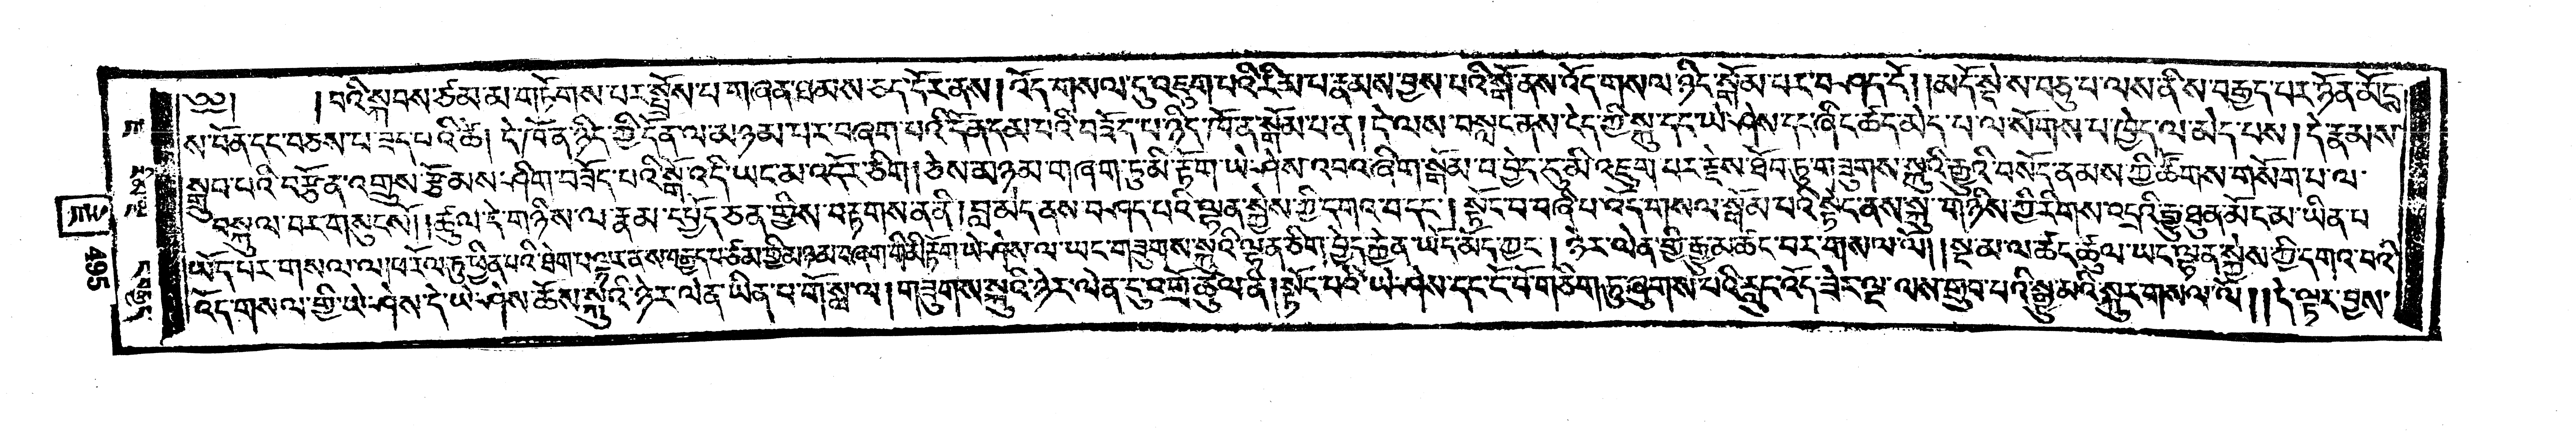༄༅། །བའི་སྐབས་ཙམ་མ་གཏོགས་པར་སྤྲོས་པ་གཞན་ཐམས་ཅད་དོར་ནས། འོད་གསལ་དུ་འཇུག་པ་འི་རིམ་པ་རྣམས་བྱས་པའི་སྒོ་ནས་འོད་གསལ་ཉིད་སྒོམ་པར་བཤད་དོ། །མདོ་སྡེ་ས་བཅུ་པ་ལས་ནི་ས་བརྒྱད་པར་ཉོན་མོངས་
ས་བོན་དང་བཅས་པ་ཟད་པའི་ཚེ། དེ་ཁོ་ན་ཉིད་ཀྱི་དོན་ལ་མཉམ་པར་བཞག་པའི་དོན་དམ་པའི་བཟོད་པ་ཉིད་ཁོ་ན་སྒོམ་པ་ན། དེ་ལས་བསླང་ནས་ངེད་ཀྱི་སྐུ་དང་ཡེ་ཤེས་དང་ཞིང་ཚད་མེད་པ་ལ་སོགས་པ་ཁྱེད་ལ་མེད་པས། དེ་རྣམས་
སྒྲུབ་པའི་བརྩོན་འགྲུས་རྩོམས་ཤིག་བཟོད་པའི་སྒོ་འདི་ཡང་མ་འདོར་ཅིག །ཅེས་མཉམ་གཞག་ཏུ་མི་རྟོག་ཡེ་ཤེས་འབའ་ཞིག་སྒོམ་པ་བྱེད་དུ་མི་འཇུག་པར་རྗེས་ཐོབ་ཏུ་གཟུགས་སྐུའི་རྒྱུའི་བསོད་ནམས་ཀྱི་ཚོགས་གསོག་པ་ལ་
བསྐུལ་བར་གསུངས། ཚུལ་དེ་གཉིས་ལ་རྣམ་དཔྱོད་ཅན་གྱིས་བརྟགས་ན་ནི། བླ་མེད་ནས་བཤད་པའི་ལྷན་སྐྱེས་ཀྱི་དགའ་བ་དང་། སྟོང་པ་བཞི་པ་འོད་གསལ་སྒོམ་པའི་སྟེང་ནས་སྐུ་གཉིས་ཀྱི་རིགས་འདྲའི་རྒྱུ་ཐུན་མོང་མ་ཡིན་པ་
ཡོད་པར་གསལ་ལ། ཕ་རོལ་ཏུ་ཕྱིན་པའི་ཐེག་པ་ལྟར་ནས་བརྒྱད་པ་ཙམ་གྱི་མཉམ་བཞག་གི་མི་རྟོག་ཡེ་ཤེས་ལ་ཡང་གཟུགས་སྐུའི་ལྷག་ཅིག་བྱེད་རྐྱེན་ཡོད་མེད་ཀྱང་། ཉེར་ལེན་གྱི་རྒྱུ་མ་ཚང་བར་གསལ་ལོ། །སྔ་མ་ལ་ཚང་ཚུལ་ཡང་ལྷན་སྐྱེས་ཀྱི་དགའ་བའི་
འོད་གསལ་གྱི་ཡེ་ཤེས་དེ་ཡེ་ཤེས་ཆོས་སྐུའི་ཉེར་ལེན་ཡིན་པ་གོ་སླ་ལ། གཟུགས་སྐུའི་ཉེར་ལེན་དུ་འགྲོ་ཚུལ་ནི། སྟོང་པའི་ཡེ་ཤེས་དང་ངོ་བོ་གཅིག་ཏུ་ཞུགས་པའི་རླུང་འོད་ཟེར་ལྔ་ལས་གྲུབ་པའི་སྒྱུ་མའི་སྐུར་གསལ་ལོ། །དེ་ལྟར་བྱས་